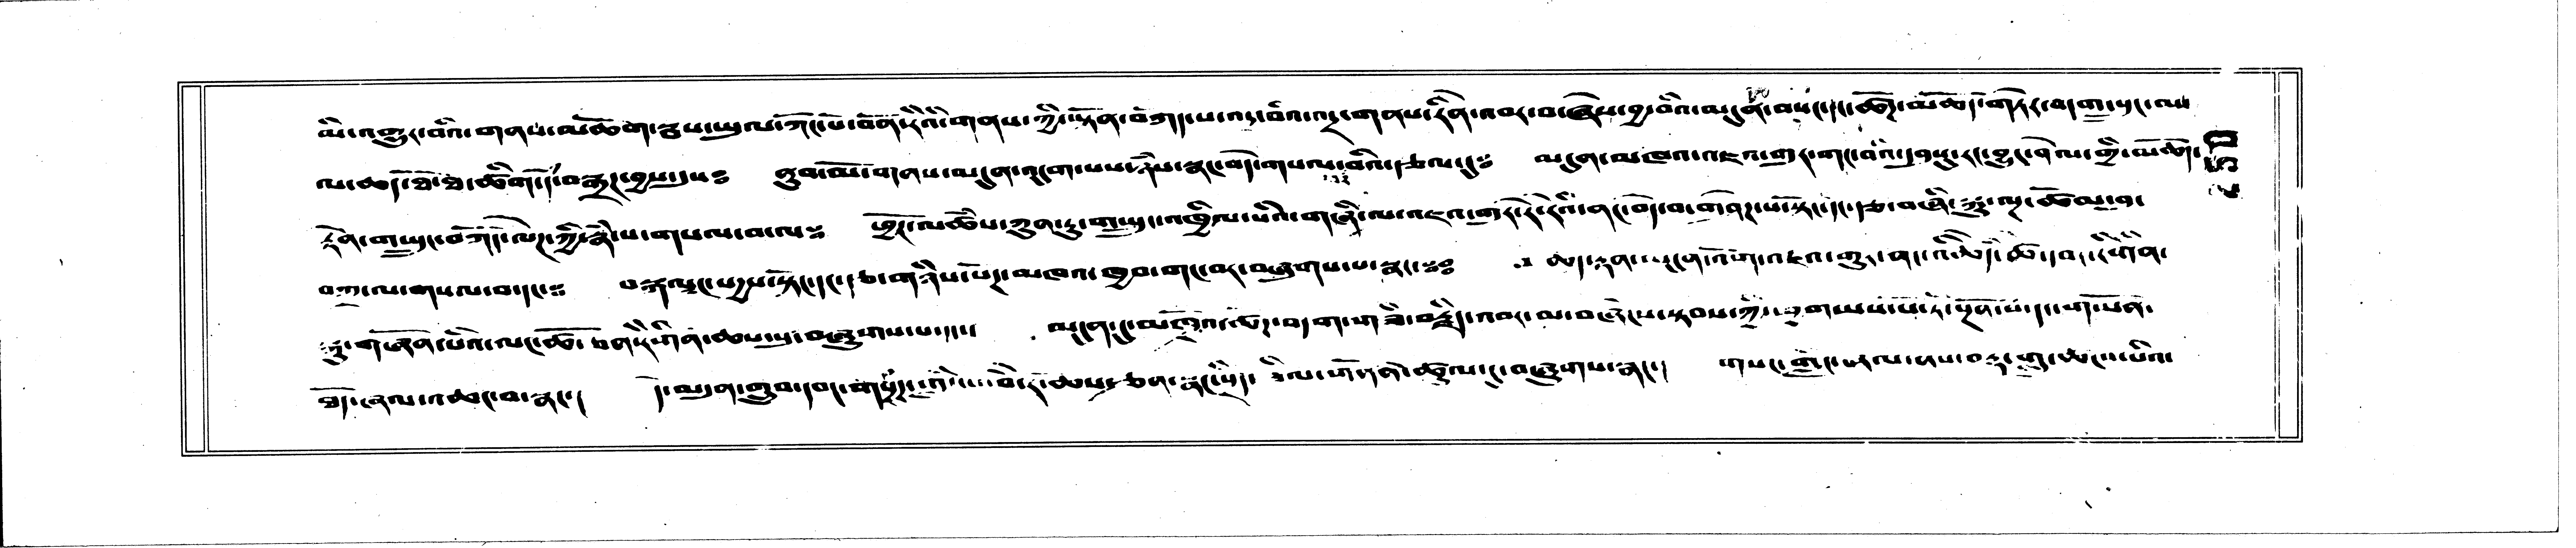མི་འགྱུར་བའི་གནས་མཆོག་སྦས་ཡུལ་ཀོང་པོ་བོན་རིའི་གནས་ཀྱི་ཡོན་ཏན་བཀོད་པ་འདྲ་བའི་འདྲ་གནས་རིན་ཆེན་འབར་བ་ཞེས་བྱ་བའི་མདུནཿ བསང་དང་ཚོགས་གཏོར་གཏེར་བདག་སྲུང་མ་
ལ་ཆད་ཐོ་ཐ་ཚིག་དམ་བསྒྲགས་བྱས་དུསཿ ནུབ་མོ་གནས་མདུན་འདུག་པའི་ཉམས་སྣང་བདེ་གསལ་བའི་རྩལ་དུཿ མདུན་མཁའ་མཇའ་གུར་གང་བའི་དབུས་སུ་རང་བྱུང་ཤེལ་གྱི་མཆོད་
རྟེན་གཡུང་དྲུང་བཀོད་ལེགས་ཀྱི་རྣམ་པ་གསལ་བ་ལཿ ཕྱོགས་མཚམས་ཀུན་ཏུ་གཡུང་དྲུང་འཁྱིལ་བའི་གཞི་ལ་འཇའ་གུར་རེ་རེའི་ནང་བདེ་བར་གཤེགས་པ་སྟོང་དང་རྩ་བཞི་སྐུ་ལྔ་ཚོམ་བུ་
བཀྲ་ལ་གསལ་བ་དངཿ སྐལ་བཟང་སངས་རྒྱས་སྟོང་རྩ་གཉིས་སོགས་མཁའ་ཁྱབ་གང་བར་བཞུགས་པ་སྣངཿ མཆོད་རྟེན་མདུན་འོག་འཇའ་གུར་ནང་འཆི་མེད་ཚེ་དབང་རིག་འཛིན་
སྐུ་གཞོན་པའི་ལང་ཚོ་ཅན་རིག་འཛིན་ཆས་སུ་བཞུགས་པ་དངཿ མདུན་དུ་མཁའ་འགྲོ་ཚོགས་བདག་གཟི་བརྗིད་འབར་མ་བཞེངས་སྟབས་ཀྱིས་ཕྱག་གཡས་པོ་ཏི་སྔོན་པོ་དང་གཡོན་
ཐོད་ཞལ་འཆང་བ་སྣངཿ དེ་མདུན་གྲུབ་དབང་གསང་སྔགས་གླིང་པ་བཱཻ་རོ་ཆས་ཅན་སྣང་སྲིད་ཟིལ་གནོན་ཚུལ་དུ་བཞུགས་སྣངཿ གསང་གླིང་ཞལ་ནས་བརྡ་གླུ་ཚངས་པའི་